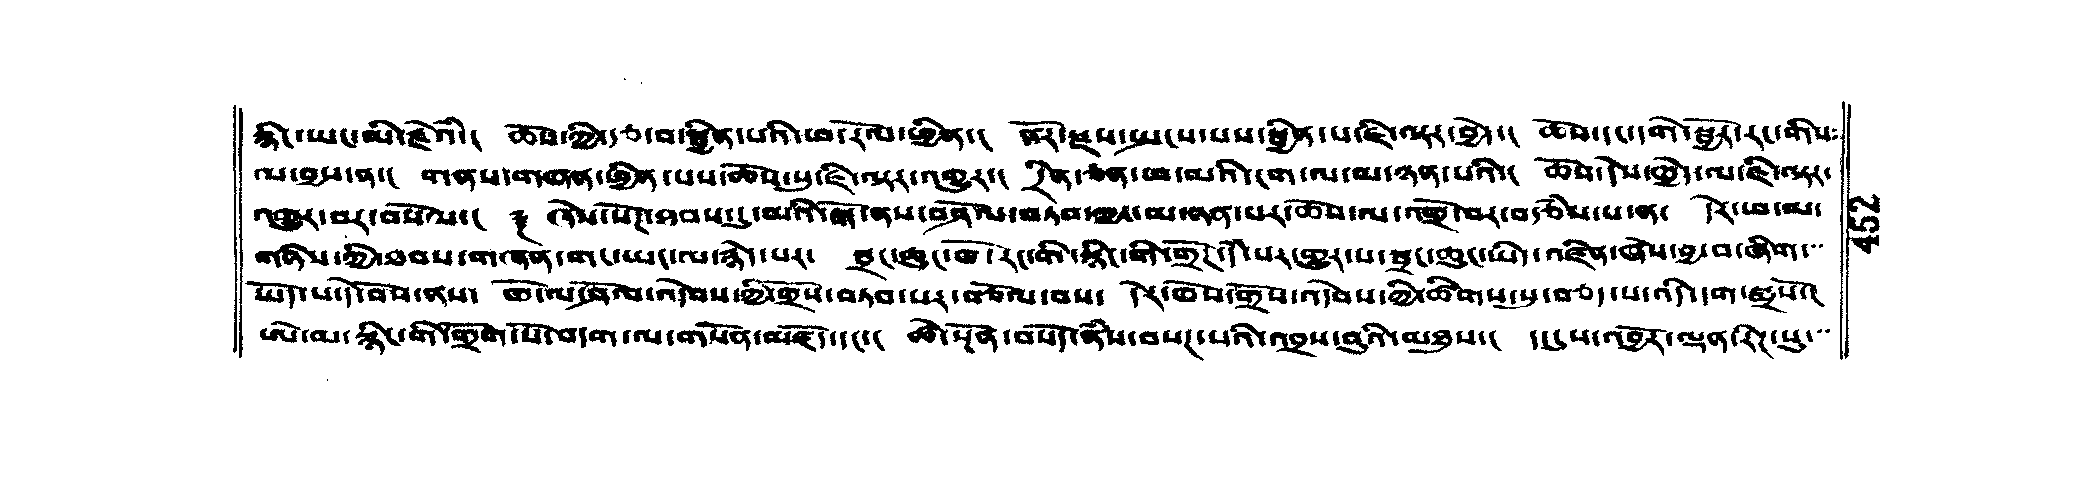སྙིང་ཡང་མི་རྗེའམ། །ཆོས་ཀྱི་རྩ་བ་སྦྱིན་པའི་ཕ་རོལ་ཕྱིན། །ནོར་རྫས་སྤངས་པས་སྦྱིན་པ་ཇི་ལྟར་བྱེད། །ཆོས་ང་དགེ་སྦྱོར་རང་གིས་
མ་བྱས་ན། །གནས་གཞན་ཕྱིན་པས་ཆོས་སུ་ཇི་ལྟར་འགྱུར། །དྲིན་ཅན་ཕ་མའི་ངག་ལ་མ་ཉན་པའི། །ཆོས་དེས་ཁྱེད་ལ་ཇི་ལྟར་
འགྱུར་བར་སོམ།ཞེས་སོགས་ཐབས་དུ་མའི་སྒོ་ནས་བཤོལ་བཏབ་ཀྱང་མ་ཉན་པར་ཆོས་ལ་འགྲོ་བར་བརྩམས་པ་ན། དེར་ཕ་མ་
གཉིས་ཀྱི་ཐབས་གཞན་གང་ཡང་མ་རྙེད་པར། སྦྲང་ཆུང་ཁོ་རང་གི་སྙིང་གི་གྲོགས་དམ་པར་གྱུར་པ་སྦྲང་ཆུང་ཡིད་འཛིན་ཞེས་བྱ་བ་ཞིག་
ཡོད་པ་དེ་བོས་ནས། ཁོ་ལ་ཤོལ་འདེབས་ཀྱི་གྲོས་བཏབ་པར་བཅོལ་བས། དེར་ཁོས་གྲོས་འདེབས་ཀྱི་ཚིགས་སུ་བཅད་པ་འདི་དག་སྨྲས་སོ། 
ཨེ་མ་སྙིང་གི་གྲོགས་པོ་བདག་ལ་གསོན་མཛོད་དང་། །ཚེ་སྔོན་བསོད་ནམས་བསགས་པའི་འབྲས་བུའི་མཐུས། །ད་དུས་འབྱོར་ལྡན་རིགས་སུ་